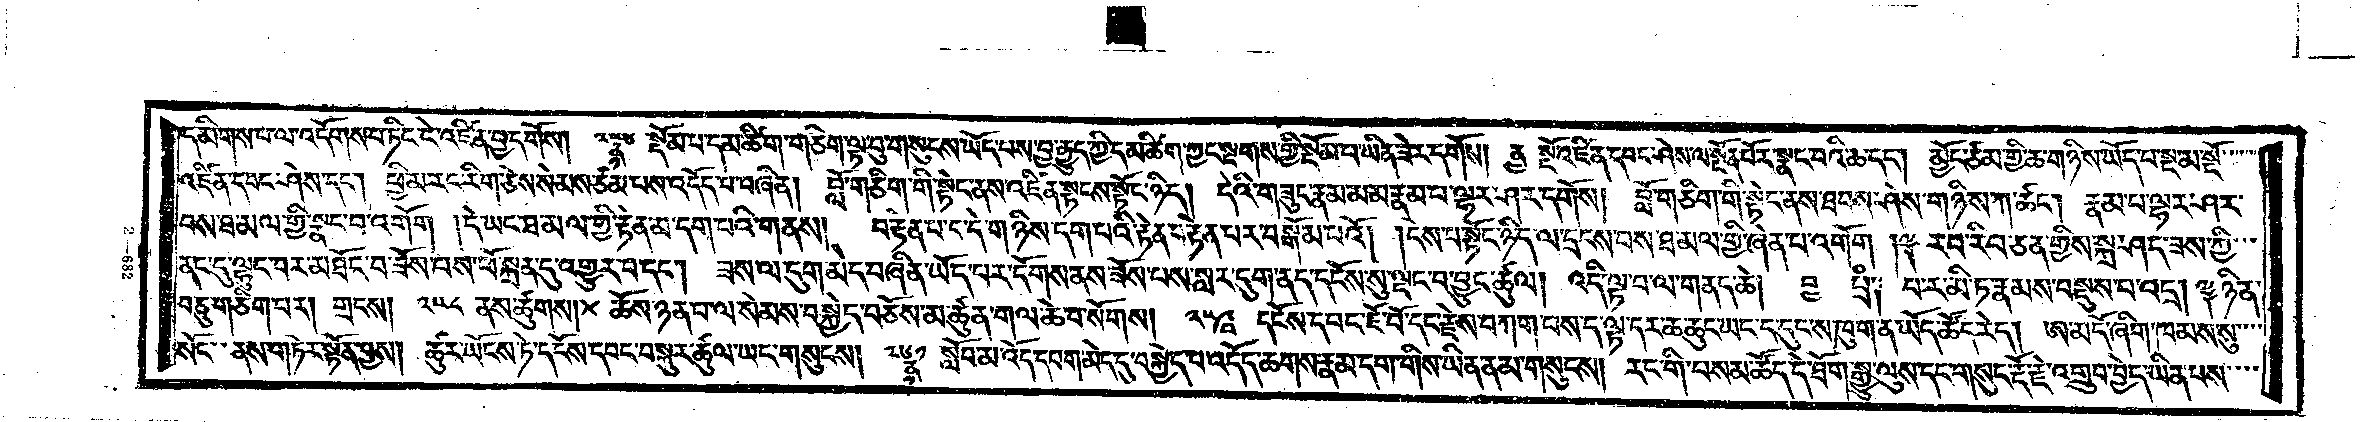དམིགས་པ་ལ་འདོགས་པ་ཏིང་ངེ་འཛིན་བྱ་དགོས། ༢༠༦ན༡་སྡོམ་པ་དམ་ཚིག་གཅིག་ལྟ་བུ་གསུངས་ཡོད་པས་བྱ་རྒྱུད་ཀྱི་དམ་ཚིག་ཀྱང་སྔགས་ཀྱི་སྡོམ་པ་ཡིན་ཟེར་དགོས། ན༤་སྔོ་འཛིན་དབང་ཤེས་ལ་སྔོན་པོར་སྣང་བའི་ཆ་དང་། མྱོང་ཙམ་གྱི་ཆ་གཉིས་ཡོད་པ་སྔ་མ་སྔོ་
འཛིན་དབང་ཤེས་དང་། ཕྱི་མ་རང་རིག་ཅེས་སེམས་ཙམ་པས་འདོད་པ་བཞིན། བློ་གཅིག་གི་སྟེང་ནས་འཛིན་སྟངས་སྟོང་ཉིད། དེའི་གཟུང་རྣམ་མམ་རྣམ་པ་ལྷར་ཤར་དགོས། བློ་གཅིག་གི་སྟེང་ནས་ཐབས་ཤེས་གཉིས་ཀ་ཚང་། རྣམ་པ་ལྷར་ཤར་
བས་ཐ་མལ་གྱི་སྣང་བ་འགོག །དེ་ཡང་ཐ་མལ་གྱི་རྟེན་མ་དག་པའི་གནས། བརྟེན་པ་བདེ་གཉིས་དག་པའི་རྟེན་བརྟེན་པར་བསྒོམ་པའོ། །ངེས་པ་སྟོང་ཉིད་ལ་དྲངས་པས་ཐ་མལ་གྱི་ཞེན་པ་འགོག །༈ རབ་རིབ་ཅན་གྱིས་སྐྲ་ཤད་ཟས་ཀྱི་
ནང་དུ་ལྷུང་བར་མཐོང་བ་ཟོས་བས་ཕོ་སྐྲན་དུ་འགྱུར་བ་དང་། ཟས་ལ་དུག་མེད་བཞིན་ཡོད་པར་དོགས་ནས་ཟོས་པས་སླར་དུག་ནད་དངོས་སུ་ལྡང་བ་བྱུང་ཚུལ། འདི་ལྟ་བ་ལ་གནད་ཆེ། བ༤་པྲཾ༑ པ་ར་མི་ཏ་རྣམས་བསྡུས་པ་འདྲ། ༈ ཉིན་
བཅུ་གཅིག་པར། གྲངས། ༢༥༨་ནས་ཚུགས། ྾་ཆོས་ཉན་བ་ལ་སེམས་བསྐྱེད་བཅོས་མ་ཚུན་གལ་ཆེ་བ་སོགས། ༢༥༩བ་དངོས་དབང་ཇོ་བོ་དང་རྗེས་བཀག་པས་ད་ལྟ་དར་ཆ་ཆུང་ཡང་ད་དུང་ས་ཁུག་ན་ཡོད་ཚོད་རེད། ཨ་མདོ་ཞིག་ཁམས་སུ་
སོང་ནས་གཏེར་སྟོན་བྱས། ཚུར་ཡོངས་ཏེ་དངོས་དབང་བསྐུར་ཚུལ་ཡང་གསུངས། ༢༦༡ན༡་སློབ་མ་འོད་དཔག་མེད་དུ་བསྐྱེད་པ་འདོད་ཆགས་རྣམ་དག་གིས་ཡིན་ནམ་གསུངས། རང་གི་བསམ་ཚོད་དེ་ཐོག་སྒྱུ་ལུས་དང་གསུང་རྡོ་རྗེ་འགྲུབ་བྱེད་ཡིན་པས་